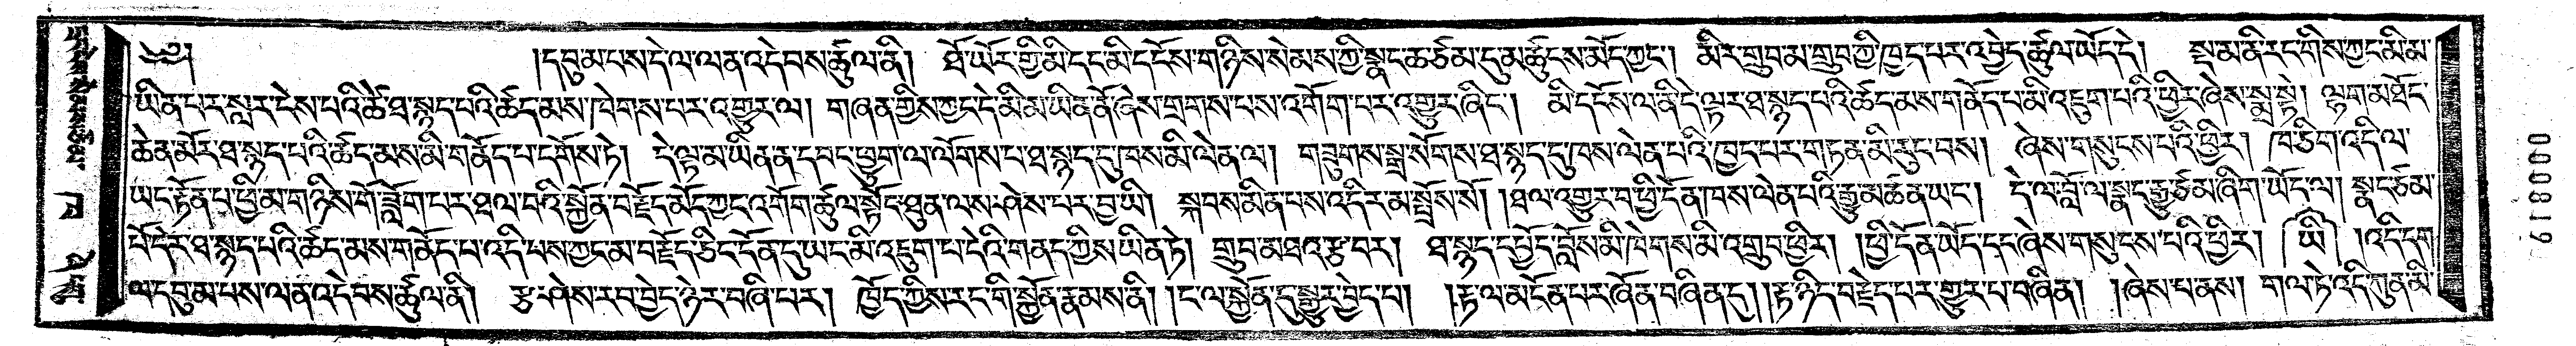༄༅། །དབུ་མ་པས་དེ་ལ་ལན་འདེབས་ཚུལ་ནི། ཐོ་ཡོར་གྱི་མི་དང་མི་དངོས་གཉིས་སེམས་ཀྱི་སྣང་ཆ་ཙམ་དུ་མཚུངས་མོད་ཀྱང་། མིར་གྲུབ་མ་གྲུབ་ཀྱི་ཁྱད་པར་འབྱེད་ཚུལ་ཡོད་དེ། སྔ་མ་ནི་རང་གིས་ཀྱང་མི་མ་
ཡིན་པར་སླར་ངེས་པའི་ཚེ་ཐ་སྙད་པའི་ཚད་མས་ཁེགས་པར་འགྱུར་ལ། གཞན་གྱིས་ཀྱང་དེ་མི་མ་ཡིན་ནོ་ཞེས་གྲགས་པས་འགོག་པར་འགྱུར་ཞིང་། མི་དངོས་ལ་ནི་དེ་ལྟར་ཐ་སྙད་པའི་ཚད་མས་གནོད་པ་མི་འཇུག་པའི་ཕྱིར་ཞེས་སྨྲ་སྟེ། ལྷག་མཐོང་
ཆེན་མོར་ཐ་སྙད་པའི་ཚད་མས་མི་གནོད་པ་དགོས་ཏེ། དེ་ལྟ་མ་ཡིན་ན་དབང་ཕྱུག་ལ་སོགས་པ་ཐ་སྙད་དུ་ཁས་མི་ལེན་ལ། གཟུགས་སྒྲ་སོགས་ཐ་སྙད་དུ་ཁས་ལེན་པའི་ཁྱད་པར་གཏན་མི་རུང་བས། ཞེས་གསུངས་པའི་ཕྱིར། ཁ་ཅིག་འདི་ལ་
ཡང་རྟོན་པ་ཕྱི་མ་གཉིས་གོ་ཟློག་པར་ཐལ་བའི་སྐྱོན་བརྗོད་མོད་ཀྱང་འགོག་ཚུལ་སྟོང་ཐུན་ལས་ཤེས་པར་བྱ་ཡི། སྐབས་མིན་པས་འདིར་མ་སྤྲོས་སོ། །ཐལ་འགྱུར་བ་ཕྱི་དོན་ཁས་ལེན་པའི་རྒྱུ་མཚན་ཡང་། དེ་ལ་བློ་ལ་སྣང་རྒྱུ་ཙམ་ཞིག་ཡོད་ལ། སྣང་ཙམ་
པོ་དེར་ཐ་སྙད་པའི་ཚད་མས་གནོད་པ་འདི་པས་ཀྱང་མ་བརྗོད་ཅིང་དོན་དུ་ཡང་མི་འཇུག་པ་དེའི་གནད་ཀྱིས་ཡིན་ཏེ། གྲུབ་མཐའ་རྩ་བར། ཐ་སྙད་དཔྱོད་བློས་མི་ཁེགས་མི་འགྲུབ་ཕྱིར། །ཕྱི་དོན་ཡོད་དང་ཞེས་གསུངས་པའི་ཕྱིར། ༼ཡི༽ །འདི་དག་
ལ་དབུ་མ་པས་ལན་འདེབས་ཚུལ་ནི། རྩ་ཤེས་རབ་བྱེད་ཉེར་བཞི་པར། ཁྱོད་ཀྱིས་རང་གི་སྐྱོན་རྣམས་ནི། །ང་ལ་སྐྱོན་དུ་སྒྱུར་བྱེད་པ། །རྟ་ལ་མངོན་པར་ཞོན་བཞིན་དུ། །རྟ་ཉིད་བརྗེད་པར་གྱུར་པ་བཞིན། །ཞེས་པ་ནས། གལ་ཏེ་འདི་ཀུན་མི་